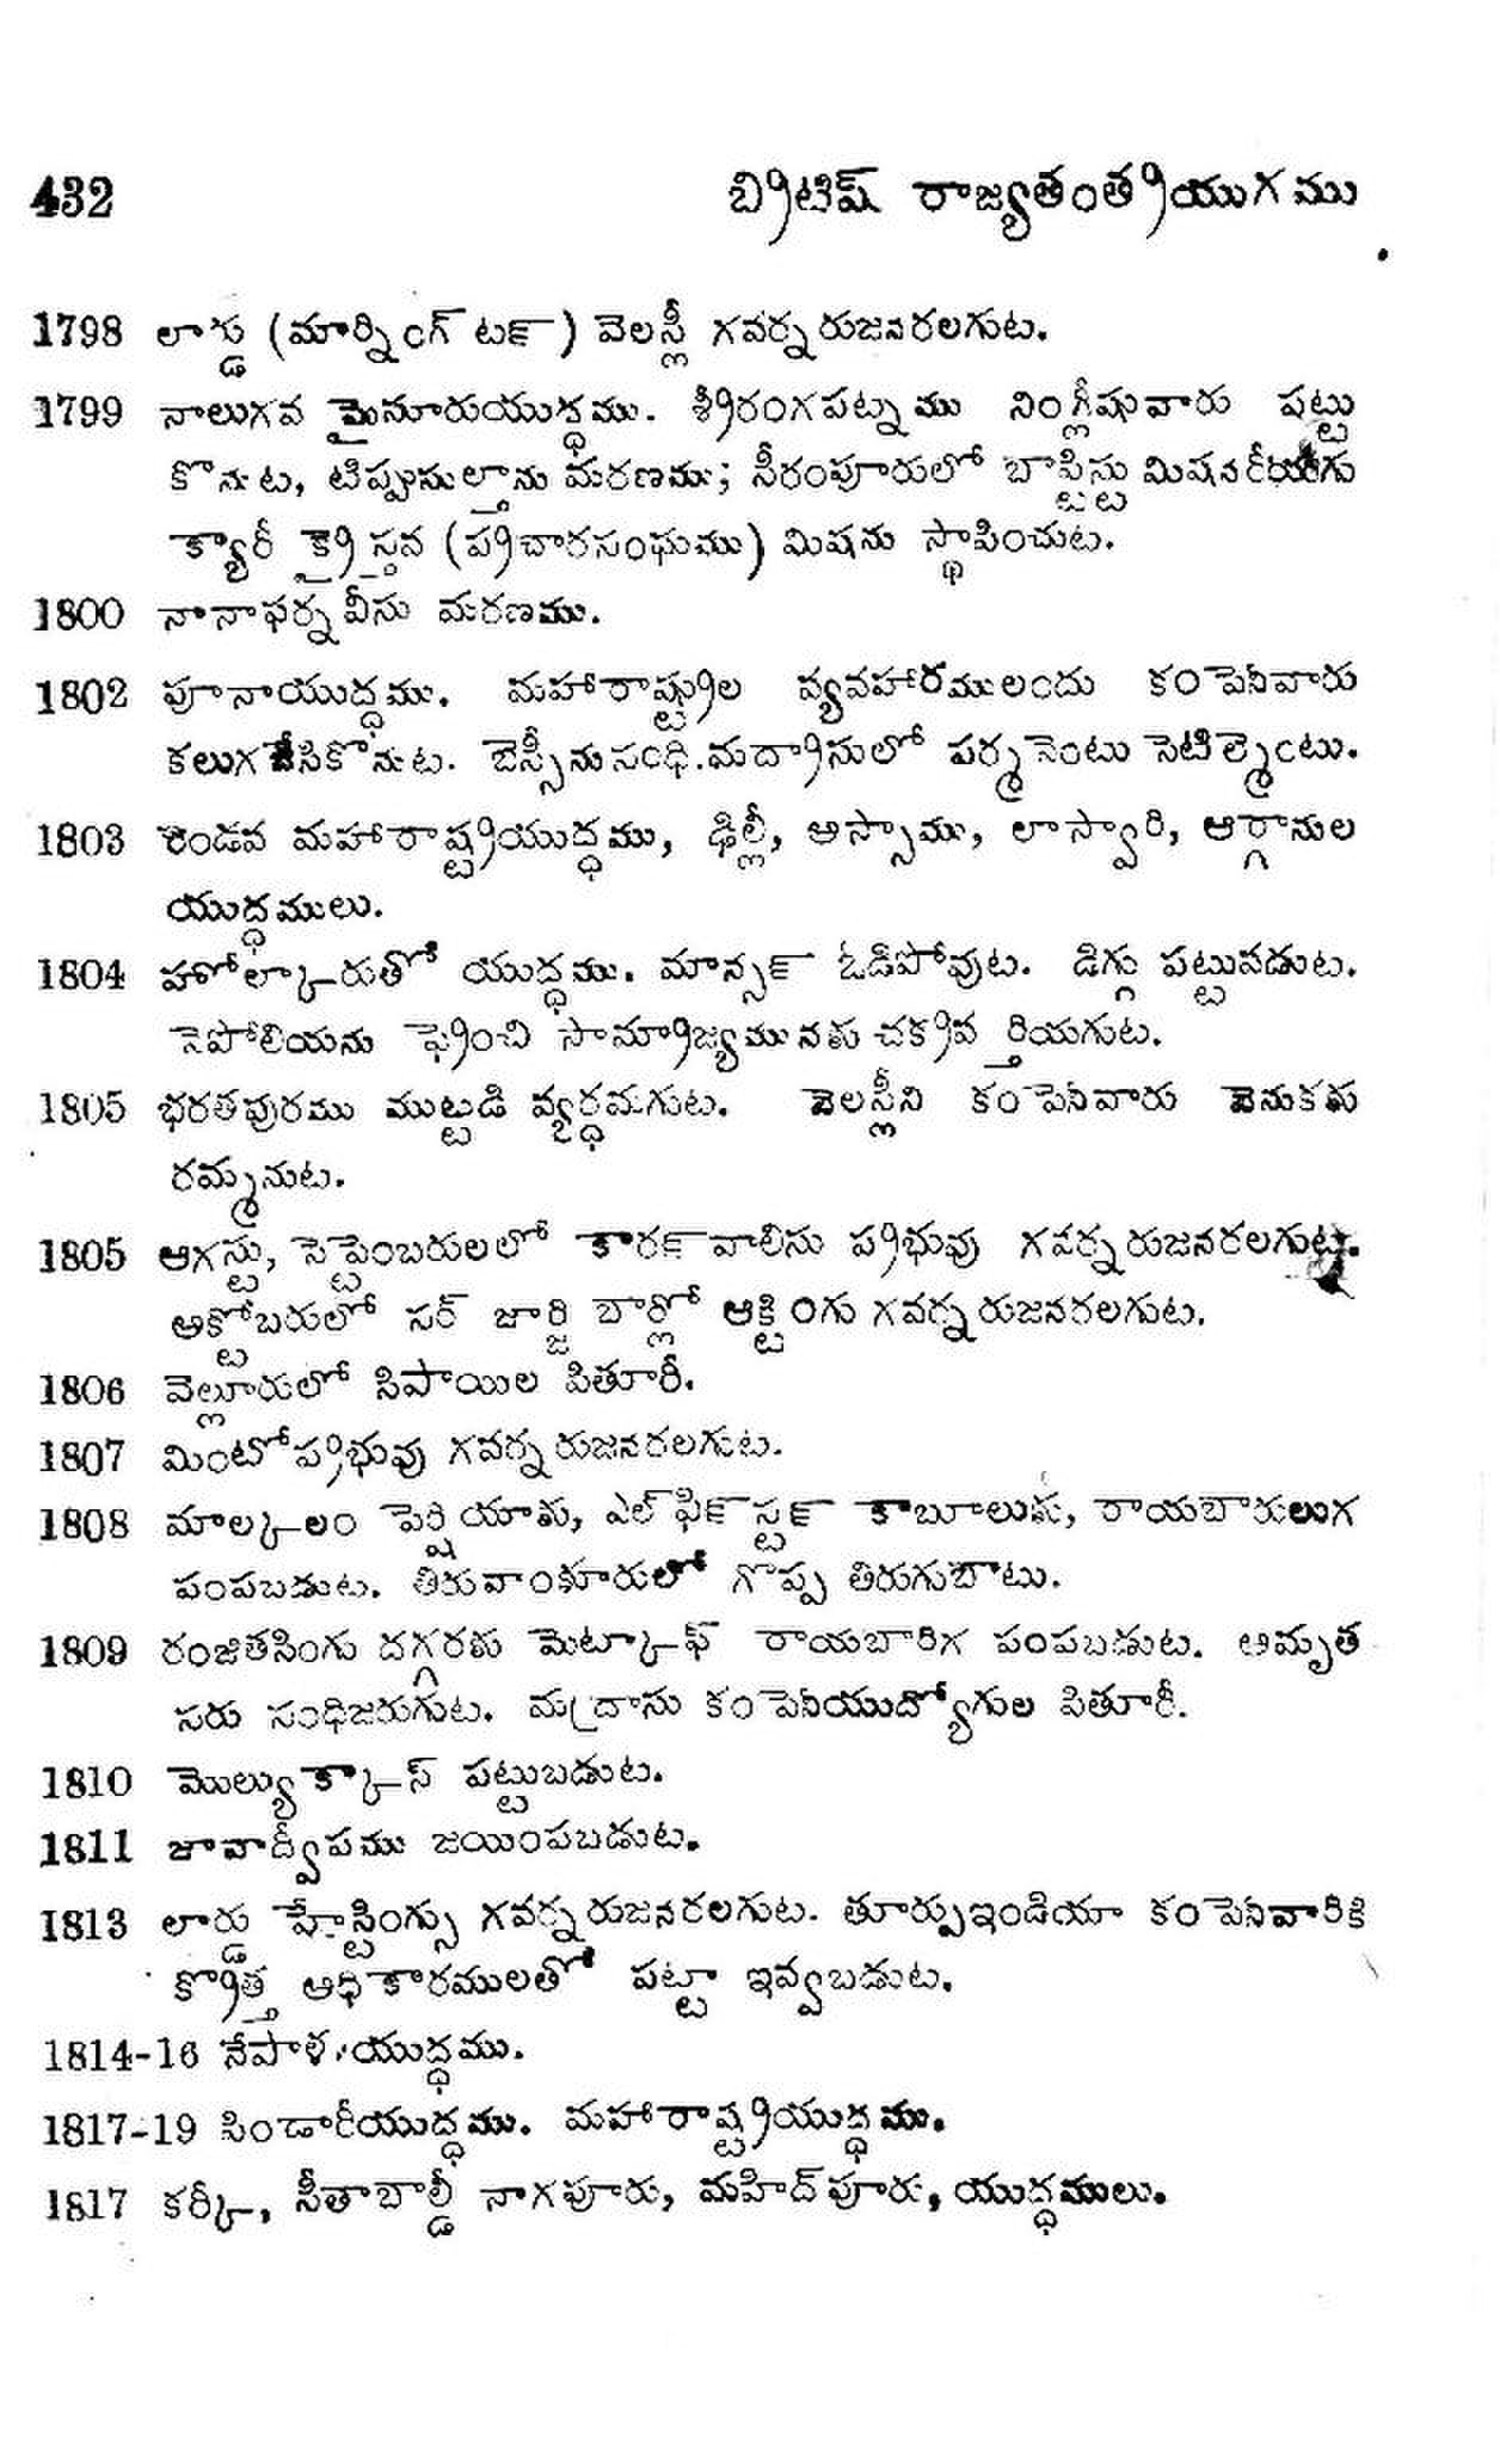1798 లార్డు (మార్నింగ్ ట౯ ) వెలస్లీ గవర్నరుజనరలగుట. 

1799 నాలుగవ మైసూరుయుద్ధము. శ్రీరంగపట్నము నింగ్లీషువారు పట్టుకొనుట, టిప్పుసుల్తాను మరణము ; సీరంపూరులో బాప్టిస్టు మిషనరీయగు క్యారీ క్రైస్తవ (ప్రచారసంఘము) మిషను స్థాపించుట. 

1800 నానాఫర్నవీసు మరణము. 

1802 పూనాయుద్ధము. మహారాష్ట్రుల వ్యవహారములందు కంపెనీవారు కలుగజేసికొనుట. బెస్సీనుసంధి. మద్రాసులో పర్మనెంటు సెటిల్మెంటు. 

1803 రెండవ మహారాష్ట్రయుద్ధము, ఢిల్లీ, అస్సాము, లాస్వారి, ఆర్గానుల యుద్దములు. 

1804 హోల్కారుతో యుద్ధము. మాన్స౯ ఓడిపోవుట. డిగ్గు పట్టుపడుట. నెపోలియను ఫ్రెంచి సామ్రాజ్యమునకు చక్రవర్తియగుట. 

1805 భరతపురము ముట్టడి వ్యర్ధమగుట. వెలస్లీని కంపెనీవారు వెనుకకు రమ్మనుట. 

1805 ఆగస్టు, సెప్టెంబరులలో కార౯ వాలిసు ప్రభువు గవర్నరుజనరలగుట. అక్టోబరులో సర్ జార్జి బార్లో ఆక్టింగు గవర్నరుజనరలగుట. 

1806 వెల్లూరులో సిపాయిల పితూరీ. 

1807 మింటోప్రభువు గవర్నరుజనరలగుట. 

1808 మాల్కలం పెర్షియాకు, ఎల్‌ఫి౯స్ట౯ కాబూలుకు, రాయబారులుగా పంపబడుట. తిరువాంకూరులో గొప్ప తిరుగుబాటు.

1809 రంజితసింగు దగ్గరకు మెట్కాఫ్ రాయబారిగ పంపబడుట. అమృతసరు సంధిజరుగుట. మద్రాసు కంపెనీయుద్యోగుల పితూరీ. 

1810 మొల్యుక్కా స్ పట్టుబడుట. 

1811 జావాద్వీపము జయింపబడుట. 

1813 లార్డు హేస్టింగ్సు గవర్నరుజనరలగుట. తూర్పుఇండియా కంపెనీవారికి క్రొత్త అధికారములతో పట్టా ఇవ్వబడుట. 

1814-16 నేపాళ యుద్ధము . 

1817-19 పిండారీయుద్ధము. మహారాష్ట్రయుద్ధము. 

1817 కర్కీ, సీతాబాల్డీ నాగపూరు, మహిద్‌పూరు, యుద్ధములు.